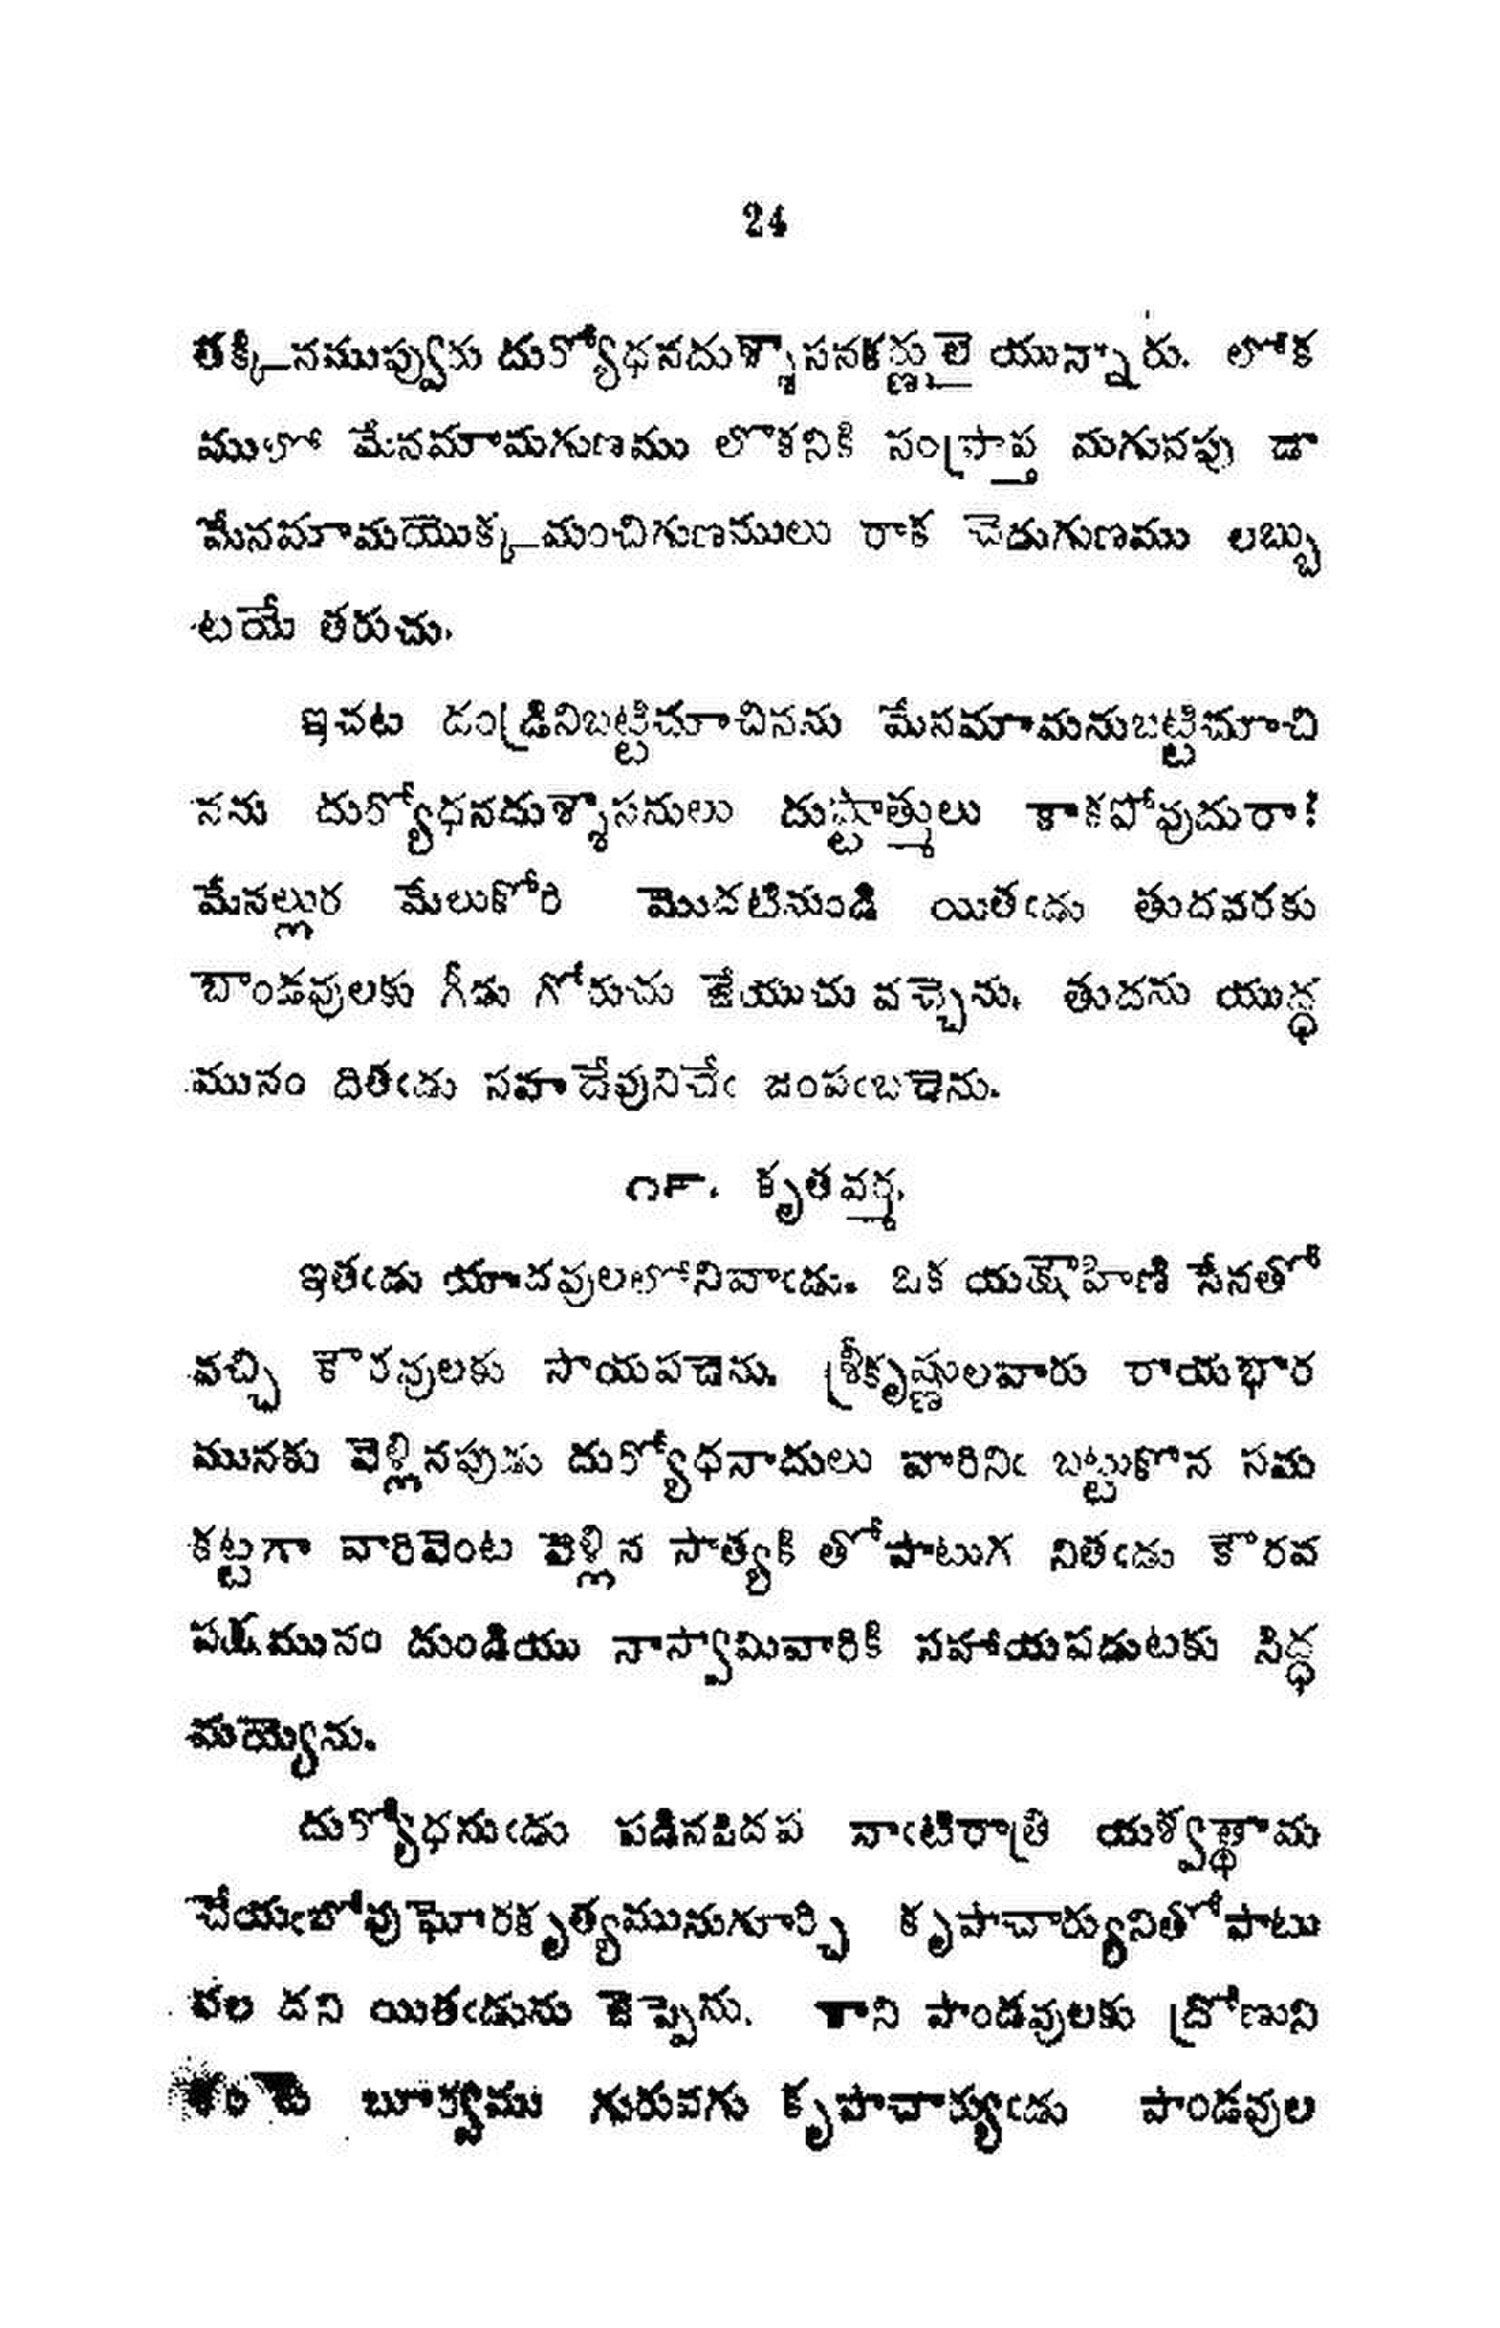తక్కినమువ్వురు దుర్యోధనదుశ్శాసనకర్ణులై యున్నారు. లోకములో మేనమామగుణము లొకనికి సంప్రాప్త మగునపు డామేనమామయొక్క మంచిగుణములు రాక చెడుగుణము లబ్బుటయే తరుచు,

ఇచట దండ్రినిబట్టిచూచినను మేనమామనుబట్టిచూచినను దుర్యోధనదుశ్శాసనులు దుష్టాత్ములు కాకపోవుదురా ! మేనల్లుర మేలుకోరి మొదటినుండి యితఁడు తుదవరకు బాండవులకు గీడు గోరుచు జేయుచువచ్చెను. తుదను యుద్ధమునం దితఁడు సహదేవునిచేఁ జంపఁబడెను.

ఇతఁడు యాదవులలోనివాఁడు. ఒక యక్షౌహిణి సేనతో వచ్చి కౌరవులకు సాయపడెను. శ్రీకృష్ణులవారు రాయభారమునకు వెళ్లినప్పుడు దుర్యోధనాదులు వారినిఁ బట్టుకొన సమకట్టగా వారివెంట వెళ్లిన సాత్యకి తోపాటుగ నితఁడు కౌరవ పక్షమునం దుండియు నాస్వామివారికి సహాయపడుటకు సిద్ధ
మయ్యెను.

దుర్యోధనుఁడు పడినపిదప నాఁటిరాత్రి యశ్వత్థామ చేయఁబోవుఘోరకృత్యమునుగూర్చి కృపాచార్యునితోపాటు వల దని యితఁడును జెప్పెను. కాని పాండవులకు ద్రోణుని కంటె బూర్వము గురువగు కృపాచార్యుఁడు పాండవుల